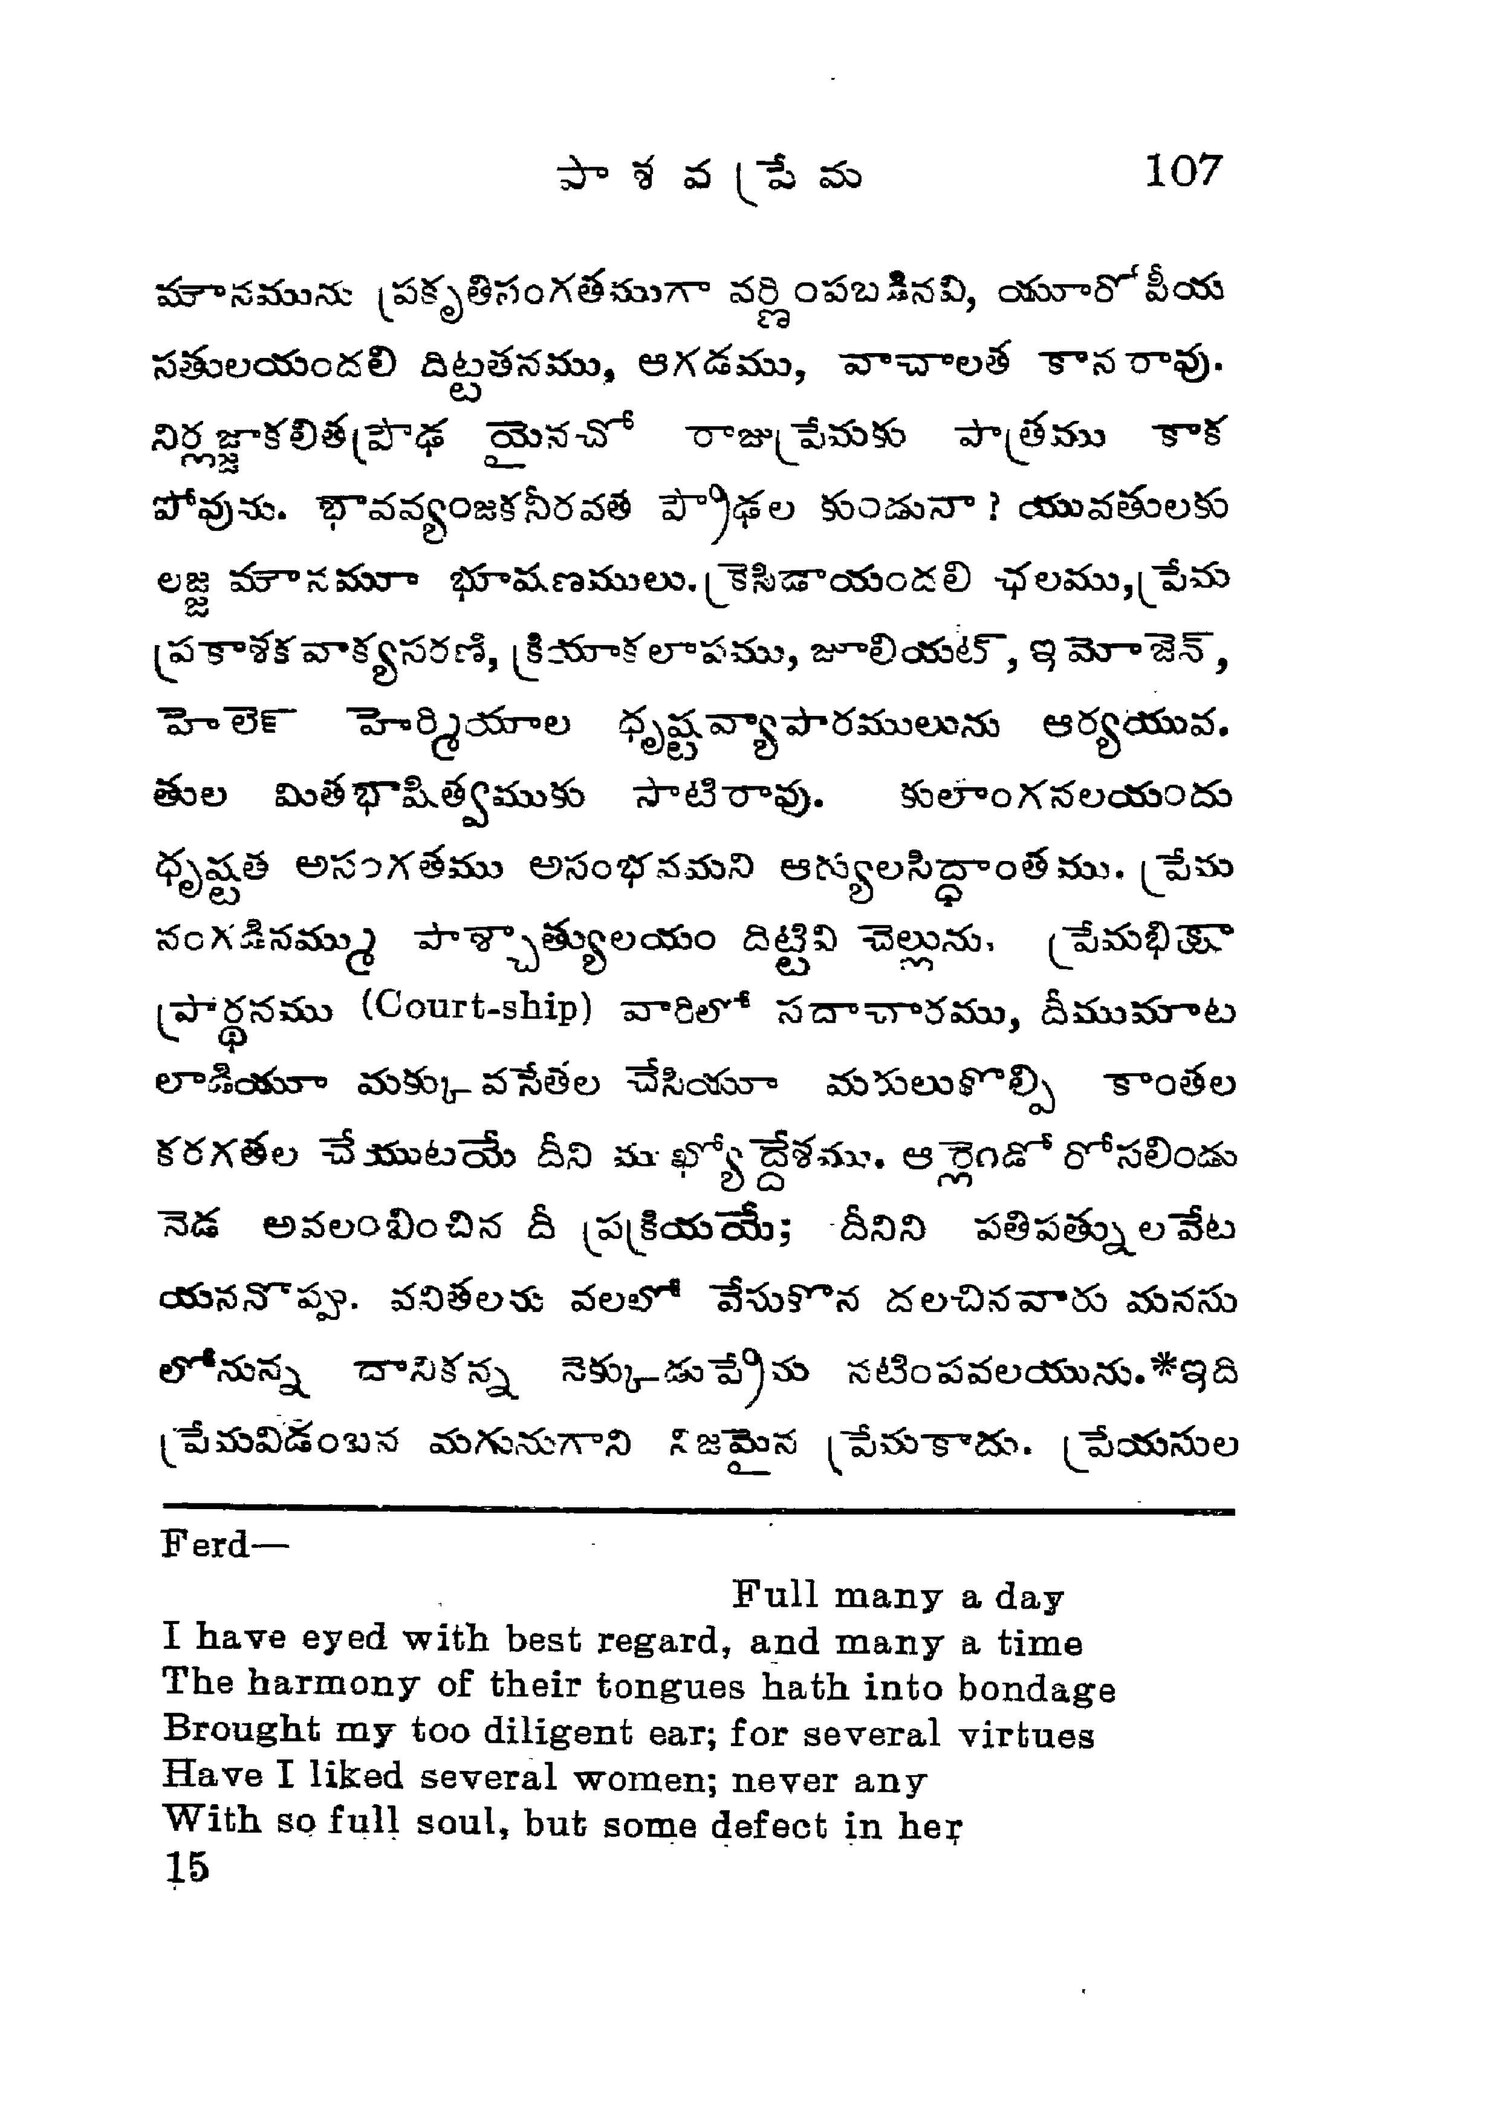మౌనమును ప్రకృతిసంగతముగా వర్ణింపబడినవి, యూరోపీయ సతులయందలి దిట్టతనము, ఆగడము, వాచాలత కానరావు. నిర్లజ్జాకలితప్రౌఢ యైనచో రాజుప్రేమకు పాత్రము కాకపోవును. భావవ్యంజకనీరవత ప్రౌఢల కుండునా? యువతులకు లజ్జ మౌనమూ భూషణములు. క్రెసిడాయందలి ఛలము, ప్రేమ ప్రకాశకవాక్యసరణి, క్రియాకలాపము, జూలియట్, ఇమోజెన్, హెలెన్ హెర్మియాల ధృష్టవ్యాపారములును ఆర్యయువతుల మితభాషిత్వముకు సాటిరావు. కులాంగనలయందు ధృష్టత అసంగతము అసంభవమని ఆర్యులసిద్ధాంతము. ప్రేమ నంగడినమ్ము పాశ్చాత్యులయం దిట్టివి చెల్లును. ప్రేమభిక్షా ప్రార్థనము (Court-ship) వారిలో సదాచారము, దీముమాట లాడియూ మక్కువసేతల చేసియూ మరులుకొల్పి కాంతల కరగతల చేయుటయే దీని ముఖ్యోద్దేశము. ఆర్లెండో రోసలిండు నెడ అవలంబించిన దీ ప్రక్రియయే; దీనిని పతిపత్నులవేట యననొప్పు. వనితలను వలలో వేసుకొన దలచినవారు మనసులోనున్న దానికన్న నెక్కుడుప్రేమ నటింపవలయును. * ఇది ప్రేమవిడంబన మగునుగాని నిజమైన ప్రేమకాదు. ప్రేయసుల